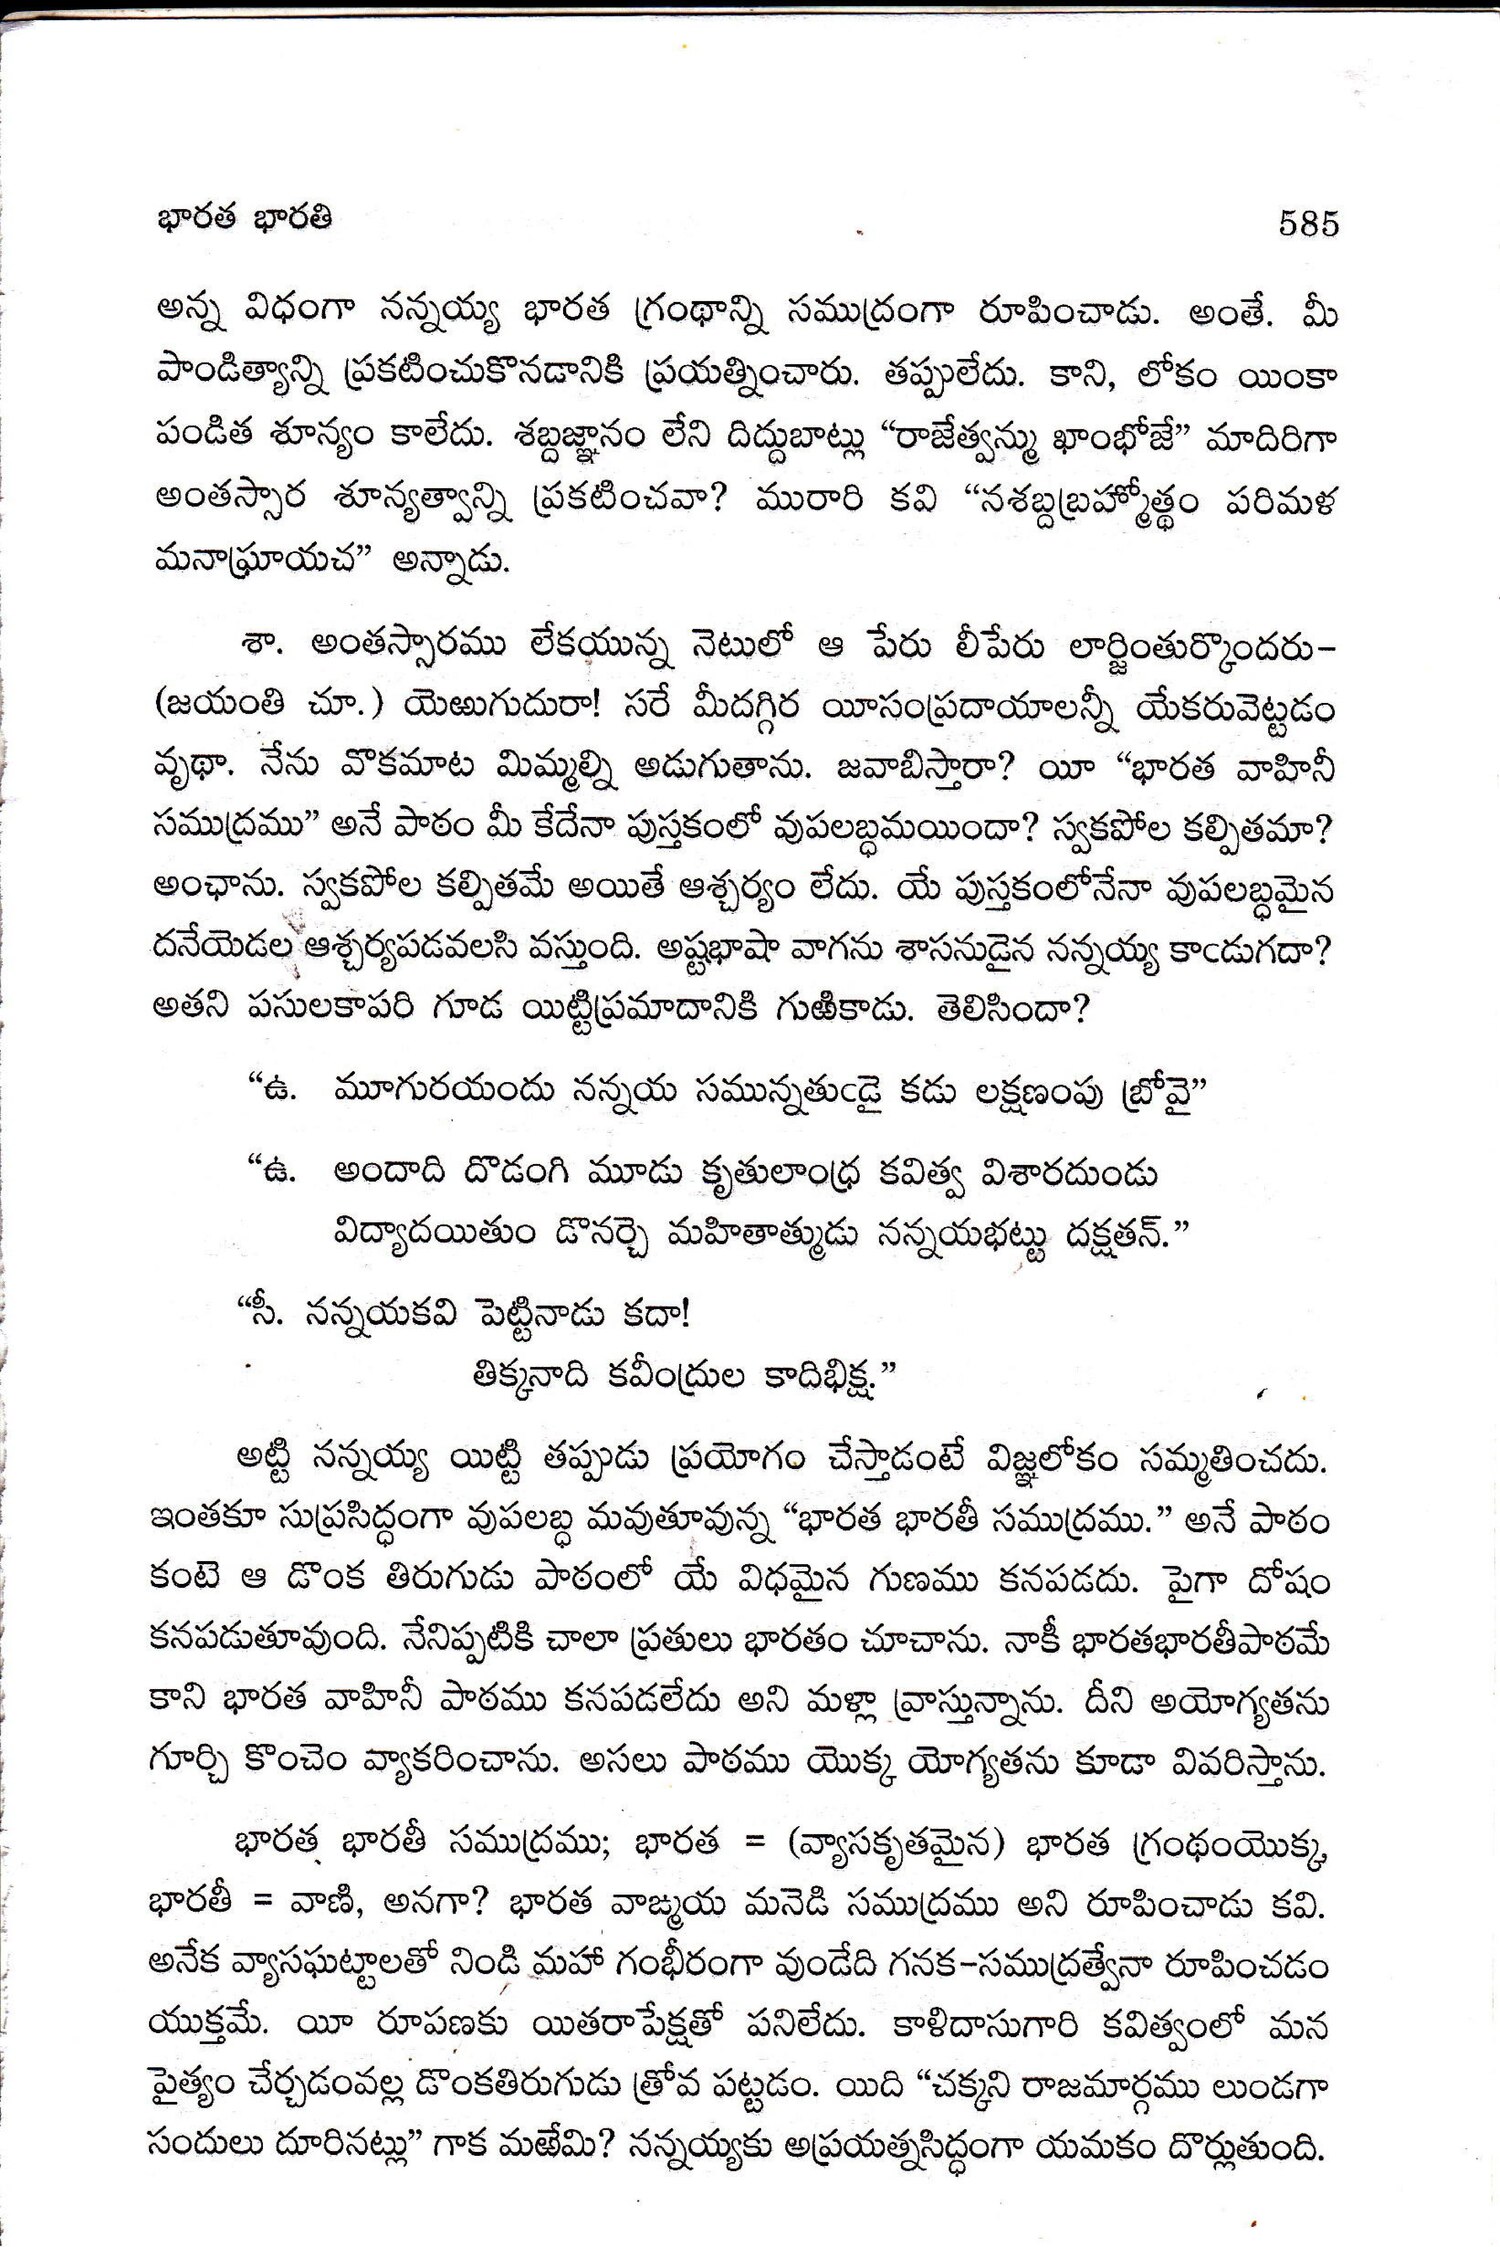అన్న విధంగా నన్నయ్య భారత గ్రంథాన్ని సముద్రంగా రూపించాడు. అంతే. మీ పాండిత్యాన్ని ప్రకటించుకొనడానికి ప్రయత్నించారు. తప్పులేదు. కాని, లోకం యింకా పండిత శూన్యం కాలేదు. శబ్దజ్ఞానం లేని దిద్దుబాట్లు "రాజేత్వన్ము ఖాంభోజే" మాదిరిగా అంతస్సార శూన్యత్వాన్ని ప్రకటించవా? మురారి కవి “నశబ్దబ్రహ్మోత్థం పరిమళ మనాఘ్రాయచ" అన్నాడు.

శా. అంతస్సారము లేకయున్న నెటులో ఆ పేరు లీపేరు లార్జింతుర్కొందరు (జయంతి చూ) యెఱుగుదురా! సరే మీదగ్గిర యీసంప్రదాయాలన్నీ యేకరువెట్టడం వృథా. నేను వొకమాట మిమ్మల్ని అడుగుతాను. జవాబిస్తారా? యీ “భారత వాహినీ సముద్రము" అనే పాఠం మీకేదేనా పుస్తకంలో వుపలబ్ధమయిందా? స్వకపోల కల్పితమా? అంఛాను. స్వకపోల కల్పితమే అయితే ఆశ్చర్యం లేదు. యే పుస్తకంలోనేనా వుపలబ్ధమైనదనేయెడల ఆశ్చర్యపడవలసి వస్తుంది. అష్టభాషా వాగను శాసనుడైన నన్నయ్య కాఁడుగదా? అతని పసులకాపరి గూడ యిట్టిప్రమాదానికి గుఱికాడు. తెలిసిందా?

“ఉ. మూగురయందు నన్నయ సమున్నతుఁడై కడు లక్షణంపు బ్రోవై"

“ఉ. అందాది దొడంగి మూడు కృతులాంధ్ర కవిత్వ విశారదుండు
 విద్యాదయితుం డొనర్చె మహితాత్ముడు నన్నయభట్టు దక్షతన్."

సీ. నన్నయకవి పెట్టినాడు కదా! 
 తిక్కనాది కవీంద్రుల కాదిభిక్ష"
అట్టి నన్నయ్య యిట్టి తప్పుడు ప్రయోగం చేస్తాడంటే విజ్ఞలోకం సమ్మతించదు. ఇంతకూ సుప్రసిద్ధంగా వుపలబ్ధ మవుతూవున్న “భారత భారతీ సముద్రము." అనే పాఠం కంటె ఆ డొంక తిరుగుడు పాఠంలో యే విధమైన గుణము కనపడదు. పైగా దోషం కనపడుతూవుంది. నేనిప్పటికి చాలా ప్రతులు భారతం చూచాను. నాకీ భారతభారతీపాఠమే కాని భారత వాహినీ పాఠము కనపడలేదు అని మళ్లా వ్రాస్తున్నాను. దీని అయోగ్యతను గూర్చి కొంచెం వ్యాకరించాను. అసలు పాఠము యొక్క యోగ్యతను కూడా వివరిస్తాను.

భారత భారతీ సముద్రము; భారత = (వ్యాసకృతమైన) భారత గ్రంథంయొక్క భారతీ = వాణి, అనగా? భారత వాఙ్మయ మనెడి సముద్రము అని రూపించాడు కవి. అనేక వ్యాసఘట్టాలతో నిండి మహా గంభీరంగా వుండేది గనక-సముద్రత్వేనా రూపించడం యుక్తమే. యీ రూపణకు యితరాషేక్షతో పనిలేదు. కాళిదాసుగారి కవిత్వంలో మన పైత్యం చేర్చడంవల్ల డొంకతిరుగుడు త్రోవ పట్టడం. యిది "చక్కని రాజమార్గము లుండగా సందులు దూరినట్లు" గాక మఱేమి? నన్నయ్యకు అప్రయత్నసిద్ధంగా యమకం దొర్లుతుంది.